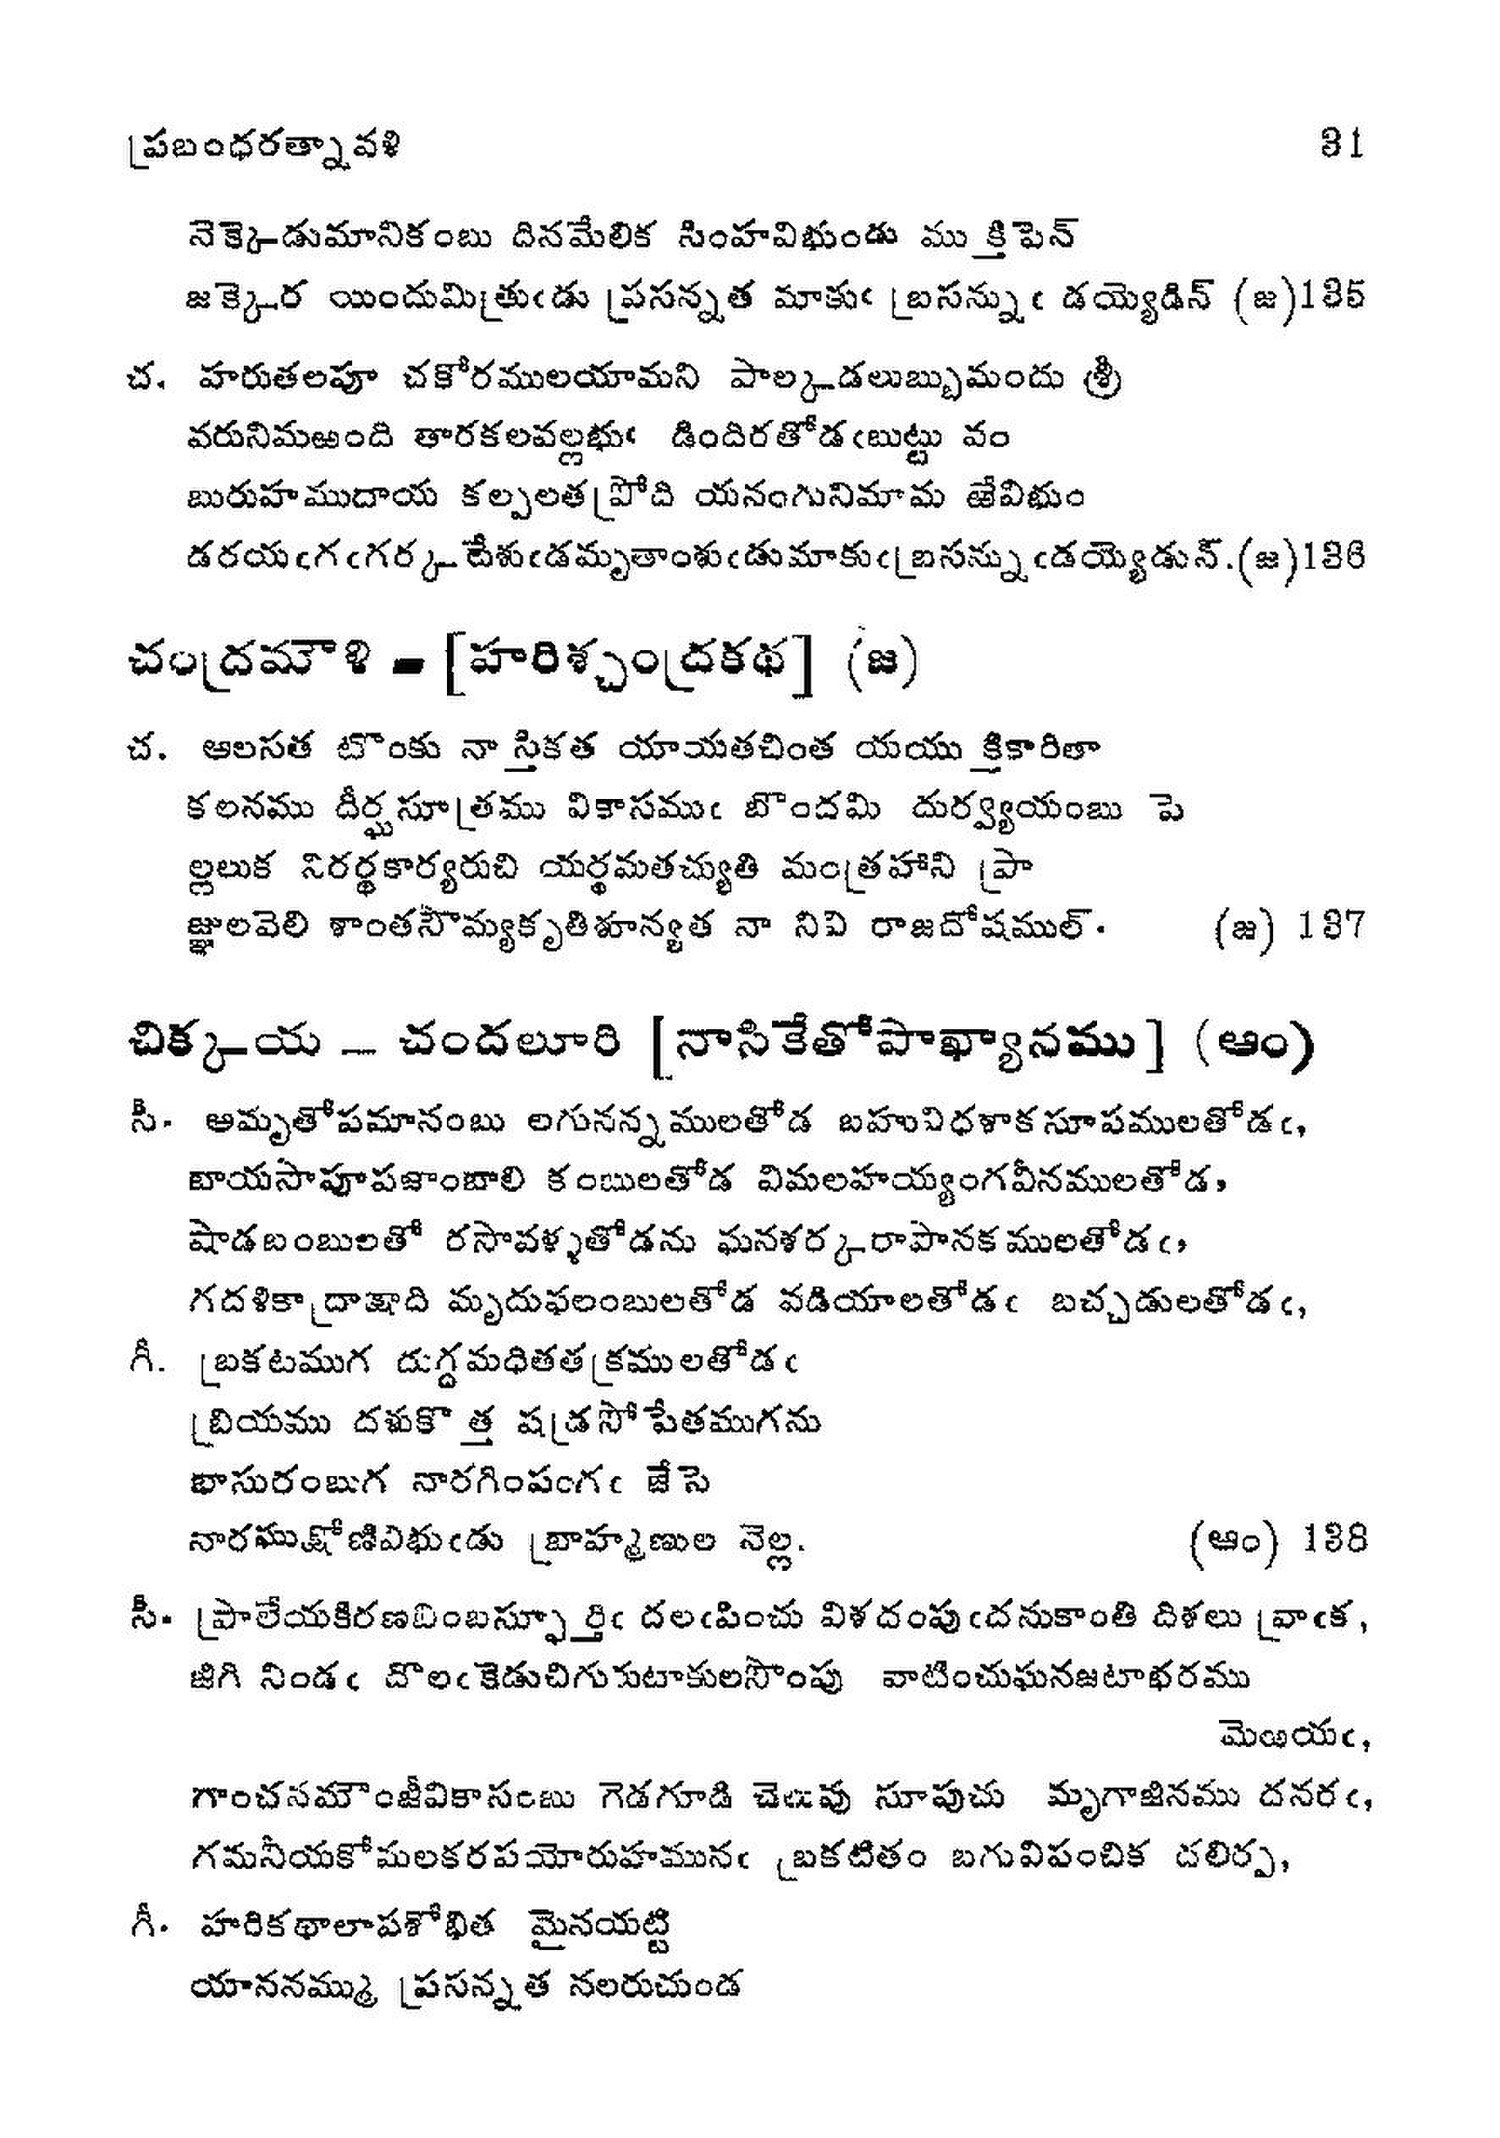నెక్కెడుమానికంబు దినమేలిక సింహవిభుండు ముక్తి పెన్
జక్కెర యిందుమిత్రుఁడు ప్రసన్నత మాకు ప్రసన్నుఁ డయ్యెడిన్. (జ) 135

చ. హరు తలపూ చకోరముల యామని పాల్కడలుబ్బుమందు శ్రీ
వరుని మఱంది తారకల వల్లభుఁ డిందిర తోడబుట్టు వం
బురుహముదాయ కల్పలతప్రోది యనంగుని మామ ఱేవిభుం
డరయఁగఁ గర్కటేశుఁ డమృతాంశుఁడు మాకుఁ బ్రసన్నుఁ డయ్యెడున్. (జ) 136

చ. అలసత టొంకు నాస్తికత యాయతచింత యయుక్తికారితా
కలనము దీర్ఘసూత్రము వికాసముఁ బొందమి దుర్వ్యయంబు పె
ల్లలుక నిరర్థకార్యరుచి యర్థమతచ్యుతి మంత్రహాని ప్రా
జ్ఞులవెలి శాంతసౌమ్యకృతిశూన్యత నా నివి రాజదోషముల్. (జ) 137

సీ. అమృతోపమానంబులగు నన్నములతోఁడ బహువిధశాకసూపములతోఁడఁ
బాయసాపూపజాంబాలికములతోఁడ విమలహైయ్యంగవీనములతోఁడ
షాడబంబులతో రసావళ్ళతోఁడను ఘనశర్కరాపానకములతోఁడఁ
గదళికాద్రాక్షాది మృదుఫలంబులతోడ వడియాలతోఁడఁ బచ్చడులతోఁడఁ
గీ. బ్రకటముగ దుగ్ధమథితతక్రములతోఁడఁ
బ్రియముఁ దళుకొత్త షడ్రసోపేతముగను
భాసురంబుగ నారగింపంగఁ జేసె
నా రఘుక్షోణివిభుఁడు బ్రాహ్మణుల నెల్ల. (ఆం) 138

సీ. ప్రాలేయకిరణబింబస్ఫూర్తిఁ దలఁపించు విశదంపుఁ దనుకాంతి దిశలు వ్రాఁక
జిగినిండఁ దొలఁకెడు చిగురుటాకులసొంపు వాటించు ఘనజటాభరము మెఱయఁ
గాంచనమౌంజీవికాసంబు గెడగూడి చెలువు సూపుచు మృగాజినముఁ దనరఁ
గమనీయ కోమల కరపయోరుహమునఁ బ్రకటితంబగు విపంచికఁ దలిర్ప
గీ. హరికథాలాపశోభితమైన యట్టి
యాననమ్ము ప్రసన్నత నలరుచుండ